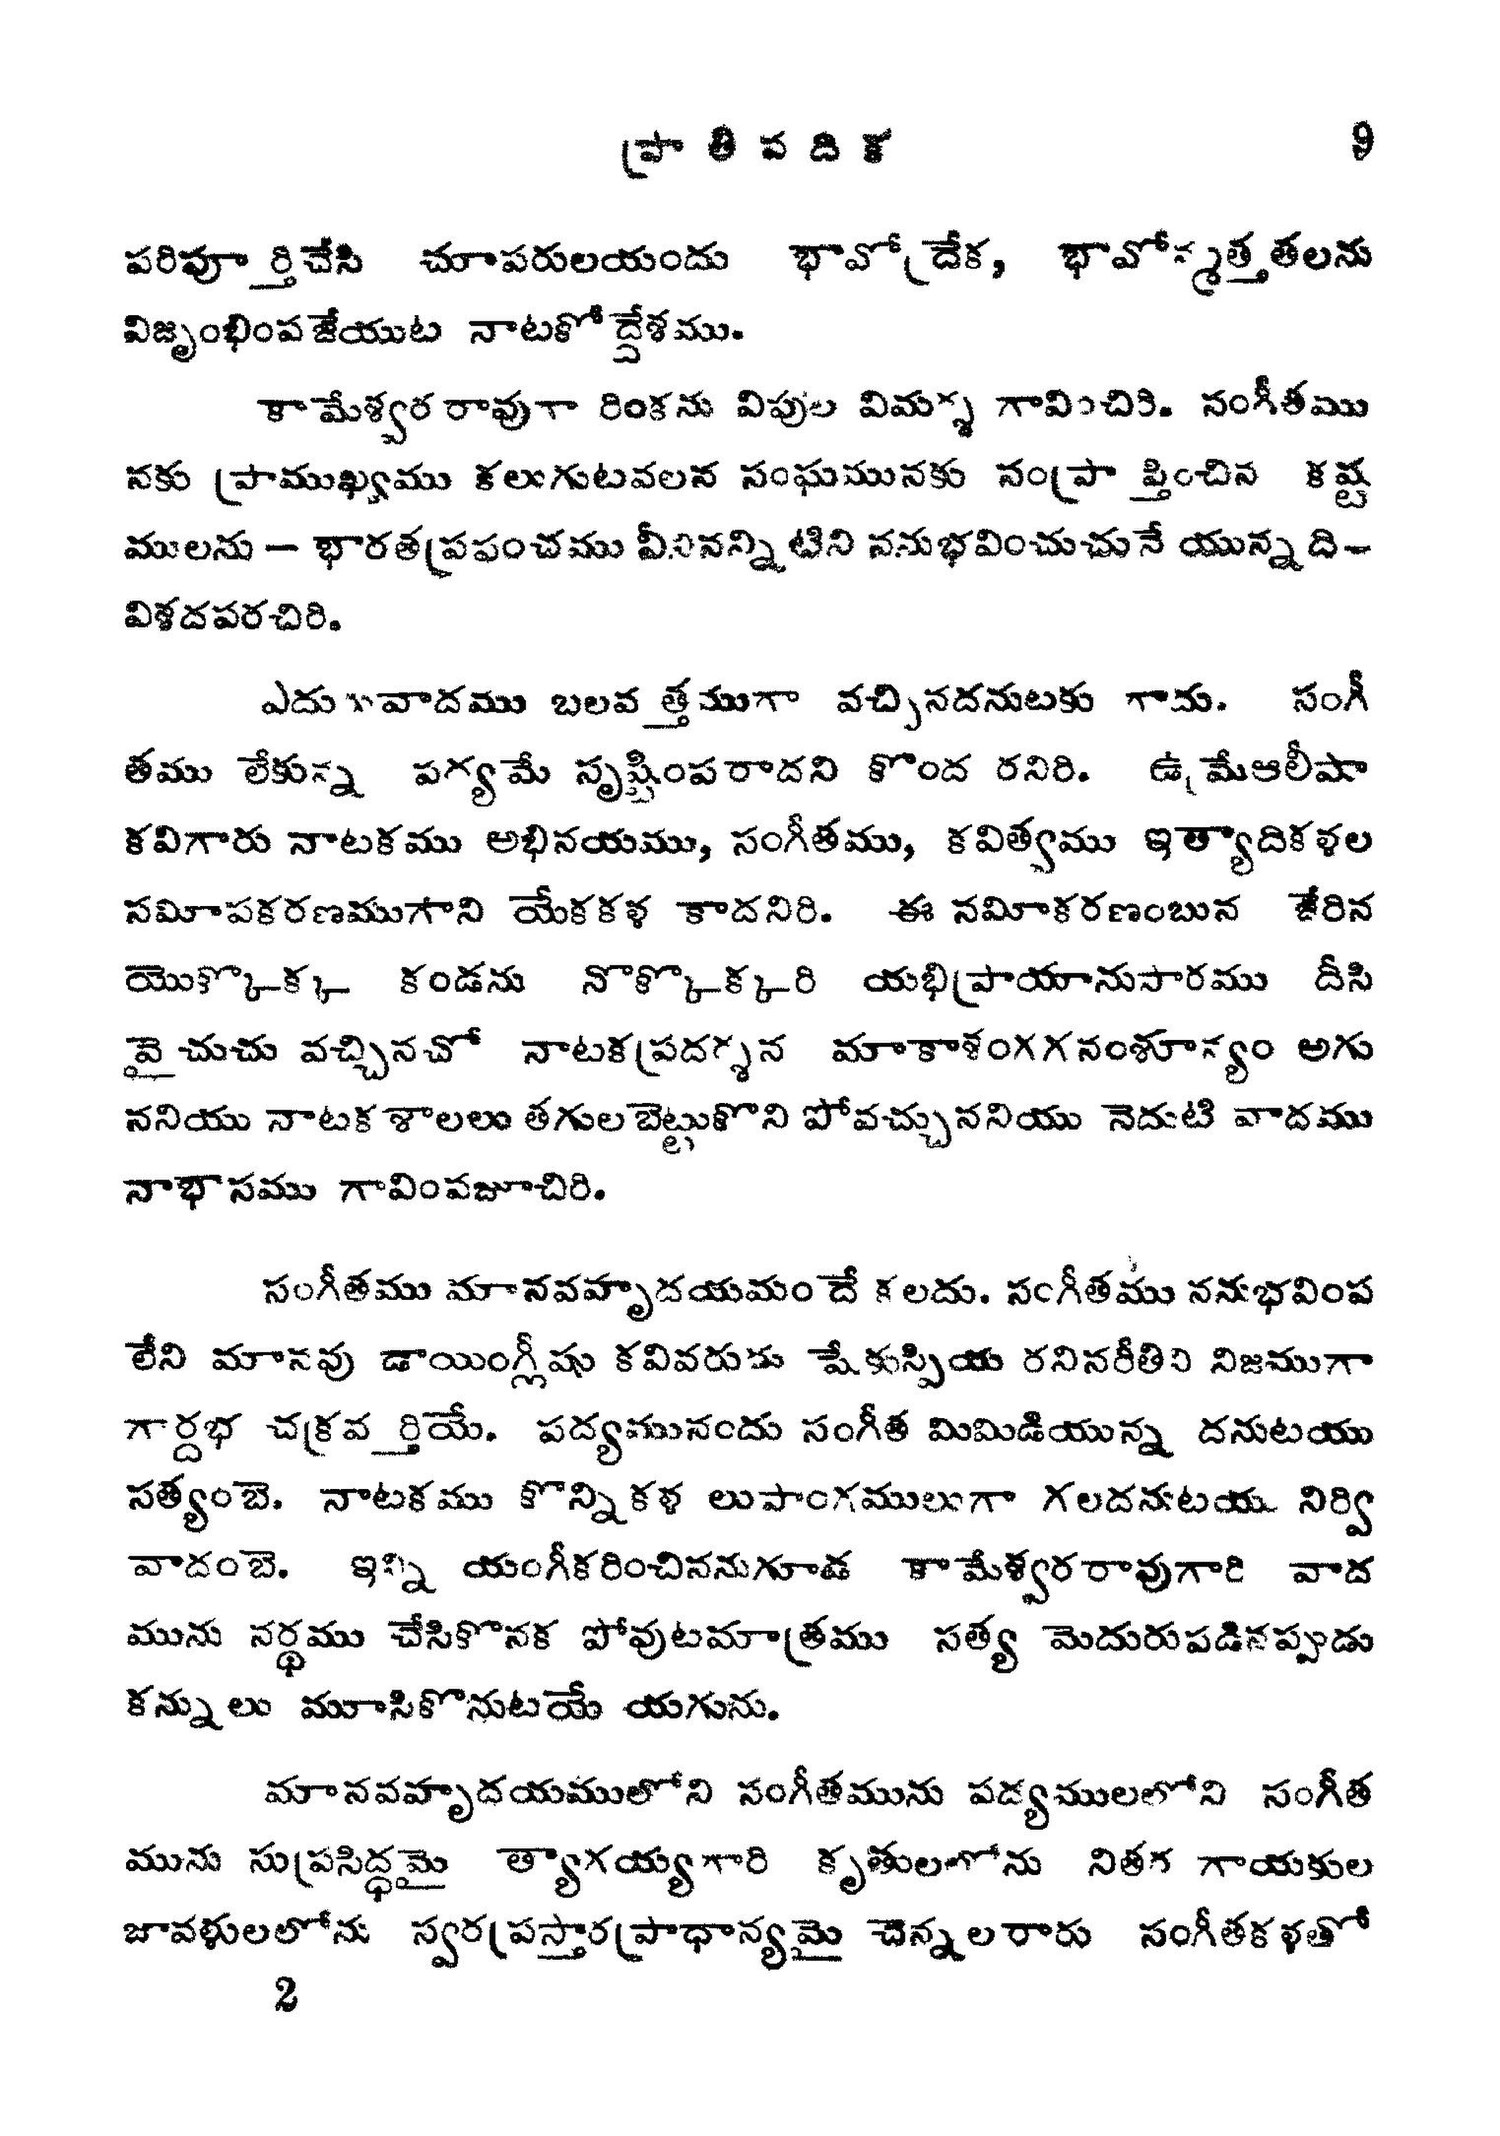పరిపూర్తిచేసి చూపరులయందు భావోద్రేక, భావోన్మత్తతలను
విజృంభింపజేయుట నాటోకోద్దేశము.

కామేశ్వరరావుగా రింకను విపుల విమర్శ గావించిరి. సంగీతము
నకు ప్రాముఖ్యము కలుగుటవలన సంఘమునకు సంప్రాప్తించిన కష్ట
ములను - భారతప్రపంచము వీనినన్నిటిని ననుభవించుచునే యున్నది-
విశదపరచిరి.

ఎదురువాదము బలవత్తముగా వచ్చినదనుటకు గాదు. సంగీ
తము లేకున్న పద్యమే సృష్టింపరాదని కొంద రనిరి. ఉమ్రేఆలీషా
కవిగారు నాటకము అభినయము, సంగీతము, కవిత్వము ఇత్యాదికళల
సమీపకరణముగాని యేకకళ కాదనిరి. ఈ సమీకరణంబున జేరిన
యొక్కొక్క కండను నొక్కొక్కరి యభిప్రాయానుసారము దీసి
వైచుచు వచ్చినచో నాటకప్రదర్శన మాకాశంగగనంశూన్యం అగు
ననియు నాటకశాలలు తగులబెట్టుకొని పోవచ్చుననియు నెదుటి వాదము
నాభాసము గావింపజూచిరి.

సంగీతము మానవహృదయమందే కలదు. సంగీతము ననుభవింప
లేని మానవు డాయింగ్లీషు కవివరుడు షేకుస్పియ రనినరీతిని నిజముగా
గార్దభ చక్రవర్తియే. పద్యమునందు సంగీత మిమిడియున్న దనుటయు
సత్యంబె. నాటకము కొన్నికళ లుపాంగములుగా గలదనుటయు నిర్వి
వాదంబె. ఇన్ని యంగీకరించిననుగూడ కామేశ్వరరావుగారి వాద
మును నర్థము చేసికొనక పోవుటమాత్రము సత్య మెదురుపడినప్పుడు
కన్నులు మూసికొనుటయే యగును.

మానవహృదయములోని సంగీతమును పద్యములలోని సంగీత
మును సుప్రసిద్ధమై త్యాగయ్యగారి కృతులలోను నితర గాయకుల
జావళులలోను స్వరప్రస్తారప్రాధాన్యమై చెన్నలరారు నంగీతకళతో